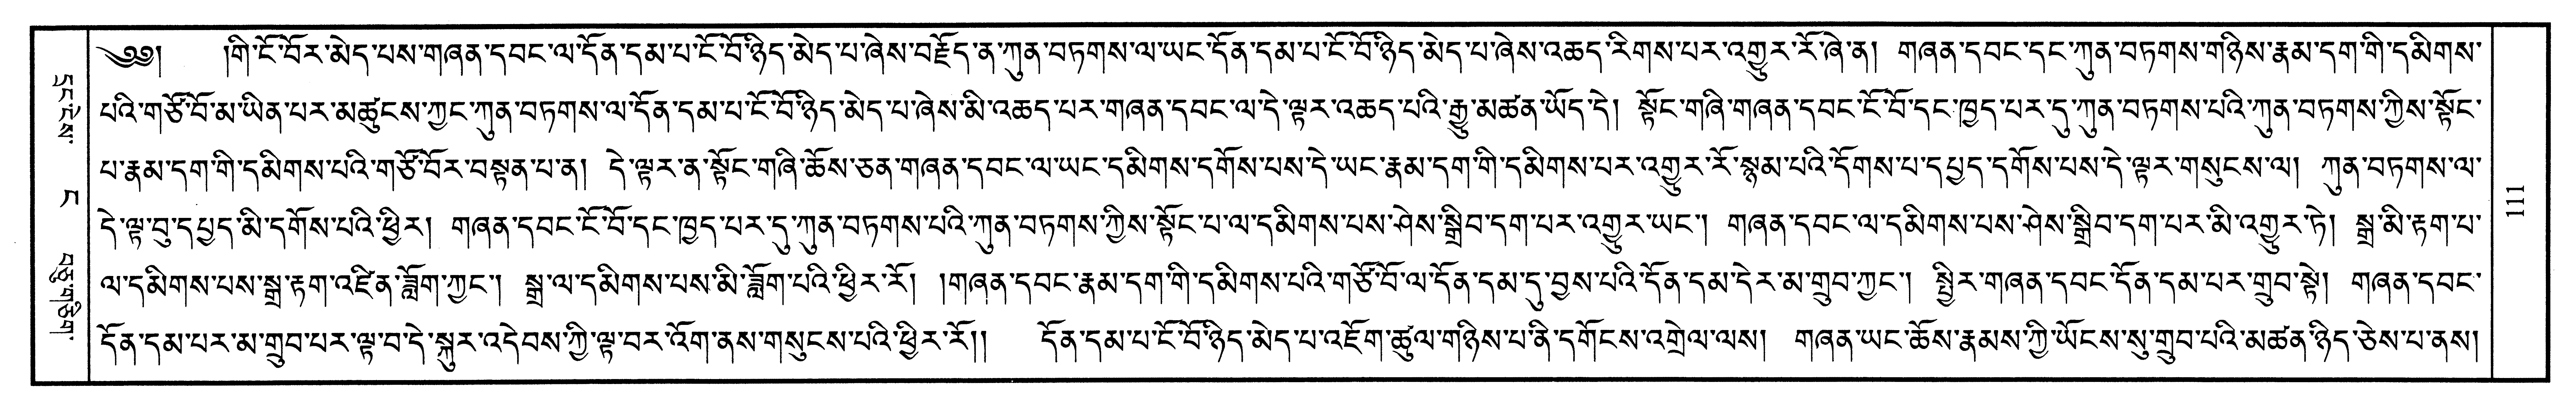༄༅། །གི་ངོ་བོར་མེད་པས་གཞན་དབང་ལ་དོན་དམ་པ་ངོ་བོ་ཉིད་མེད་པ་ཞེས་བརྗོད་ན་ཀུན་བཏགས་ལ་ཡང་དོན་དམ་པ་ངོ་བོ་ཉིད་མེད་པ་ཞེས་འཆད་རིགས་པར་འགྱུར་རོ་ཞེ་ན། གཞན་དབང་དང་ཀུན་བཏགས་གཉིས་རྣམ་དག་གི་དམིགས་
པའི་གཙོ་བོ་མ་ཡིན་པར་མཚུངས་ཀྱང་ཀུན་བཏགས་ལ་དོན་དམ་པ་ངོ་བོ་ཉིད་མེད་པ་ཞེས་མི་འཆད་པར་གཞན་དབང་ལ་དེ་ལྟར་འཆད་པའི་རྒྱུ་མཚན་ཡོད་དེ། སྟོང་གཞི་གཞན་དབང་ངོ་བོ་དང་ཁྱད་པར་དུ་ཀུན་བཏགས་པའི་ཀུན་བཏགས་ཀྱིས་སྟོང་
པ་རྣམ་དག་གི་དམིགས་པའི་གཙོ་བོར་བསྟན་པ་ན། དེ་ལྟར་ན་སྟོང་གཞི་ཆོས་ཅན་གཞན་དབང་ལ་ཡང་དམིགས་དགོས་པས་དེ་ཡང་རྣམ་དག་གི་དམིགས་པར་འགྱུར་རོ་སྙམ་པའི་དོགས་པ་དཔྱད་དགོས་པས་དེ་ལྟར་གསུངས་ལ། ཀུན་བཏགས་ལ་
དེ་ལྟ་བུ་དཔྱད་མི་དགོས་པའི་ཕྱིར། གཞན་དབང་ངོ་བོ་དང་ཁྱད་པར་དུ་ཀུན་བཏགས་པའི་ཀུན་བཏགས་ཀྱིས་སྟོང་པ་ལ་དམིགས་པས་ཤེས་སྒྲིབ་དག་པར་འགྱུར་ཡང་། གཞན་དབང་ལ་དམིགས་པས་ཤེས་སྒྲིབ་དག་པར་མི་འགྱུར་ཏེ། སྒྲ་མི་རྟག་པ་
ལ་དམིགས་པས་སྒྲ་རྟག་འཛིན་ཟློག་ཀྱང་། སྒྲ་ལ་དམིགས་པས་མི་ཟློག་པའི་ཕྱིར་རོ། །གཞན་དབང་རྣམ་དག་གི་དམིགས་པའི་གཙོ་བོ་ལ་དོན་དམ་དུ་བྱས་པའི་དོན་དམ་དེར་མ་གྲུབ་ཀྱང་། སྤྱིར་གཞན་དབང་དོན་དམ་པར་གྲུབ་སྟེ། གཞན་དབང་
དོན་དམ་པར་མ་གྲུབ་པར་ལྟ་བ་དེ་སྐུར་འདེབས་ཀྱི་ལྟ་བར་འོག་ནས་གསུངས་པའི་ཕྱིར་རོ།། དོན་དམ་པ་ངོ་བོ་ཉིད་མེད་པ་འཇོག་ཚུལ་གཉིས་པ་ནི་དགོངས་འགྲེལ་ལས། གཞན་ཡང་ཆོས་རྣམས་ཀྱི་ཡོངས་སུ་གྲུབ་པའི་མཚན་ཉིད་ཅེས་པ་ནས།